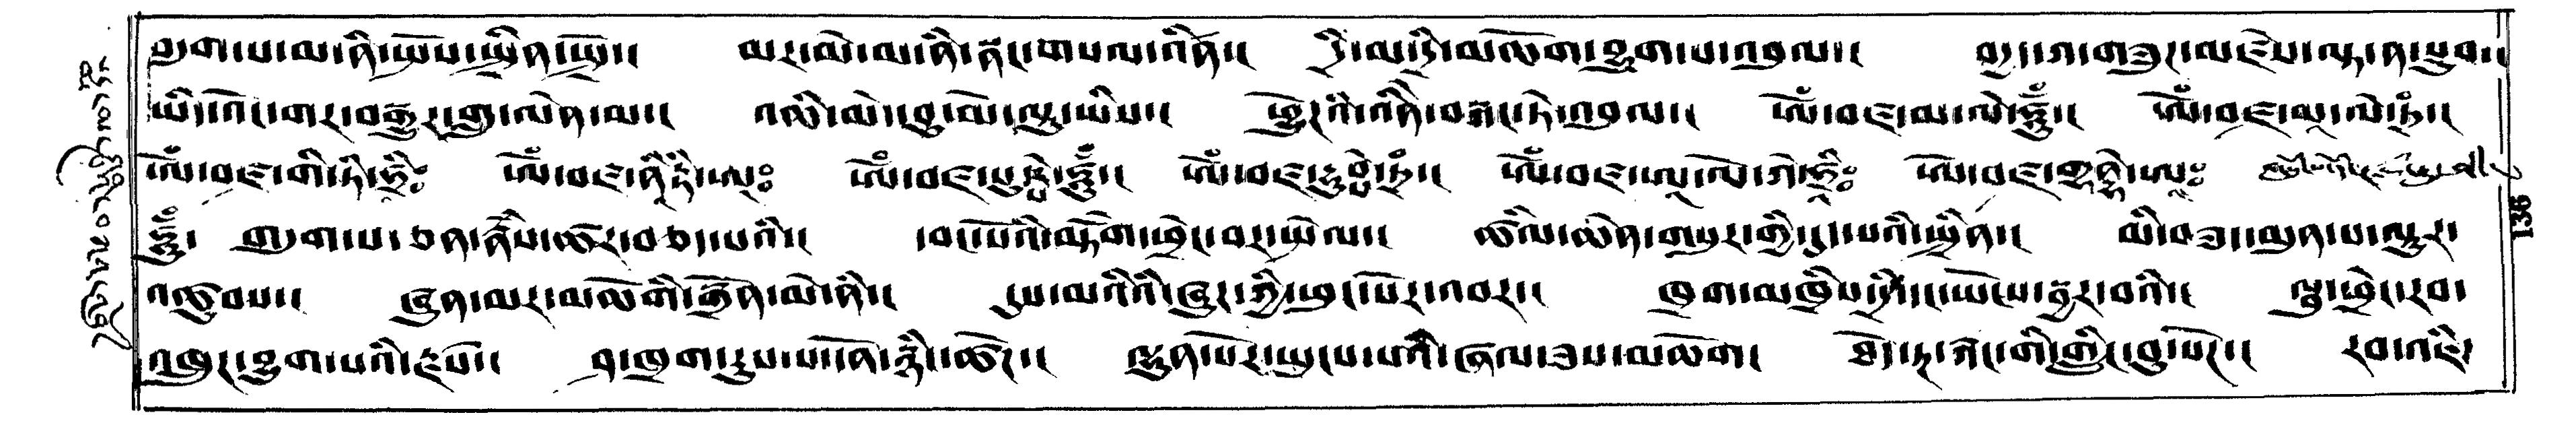བདུག་པ་མ་ནི་སྤྲོས་སྤྲིན་སྤྲོ། །མར་མེ་མ་ནི་སྣང་གསལ་འཛིན། །དྲི་མ་དྲི་མཆོག་བྱུག་པ་འབུལ། བརྒྱད་ཀའང་གཟུགས་མཛེས་ལྟ་ན་སྡུག །
ཡི་འོང་གར་བསྒྱུར་གླུ་ལེན་མ། །འཆི་མེད་བུ་མོ་ལྟ་བུ་ཡིས། ཕྱོགས་བཅུའི་འཇིག་རྟེན་བཀང་ཏེ་འབུལ། ཨོཾ་བཛྲ་མ་ལེ་ཧཱུྃ། ཨོཾ་བཛྲ་མཱ་ལེ་ཏྲཾ། 
ཨོཾ་བཛྲ་གི་རྟི་ཧྲཱིཿ ཨོཾ་བཛྲ་ནིརྟི་ཨཱཿ ཨོཾ་བཛྲ་པུཥྤེ་ཧཱུྃ། ཨོཾ་བཛྲ་དྷུབཔེ་ཏྲཾ། ཨོཾ་བཛྲ་ཨཱལོ་ཀེ་ཧྲཱིཿ ཨོཾ་བཛྲ་གྷནདྷེ་ཨཱཿ གསུམ་པ་དམ་རྫས་འབུལ་བ་ནི། 
ཧཱུྃ། གདུག་པ་ཅན་རྣམས་ཚར་བཅད་པའི། །དབང་པོའི་མེ་ཏོག་ཕྲེང་བར་སྤེལ། །ཚིལ་ཆེན་གསུར་གྱི་དུད་པའི་སྤྲིན། །མི་བཟད་མུན་པ་ལྟ་བུར་
འཚུབས། །ཞུན་མར་མཆོག་གི་སྒྲོན་མེ་ནི། །དུས་མའི་ཞུགས་ཀྱི་ཕུང་པོར་འབར། །ཁྲག་མཁྲིས་དྲི་དང་ཡོངས་སྦྱར་བའི། །ཝུ་ཕྲེང་རབ་
འཁྲུགས་བྱུག་པའི་རྗས། །ཤ་ཁྲག་རུས་པ་དོན་སྙིང་ཚོགས། །ལྷུན་པོར་སྤུངས་པའི་ཞལ་ཟས་མཆོག །ཐོང་རྔ་རྐང་གི་གླིང་བུ་སོགས། །རབ་འཇིགས་